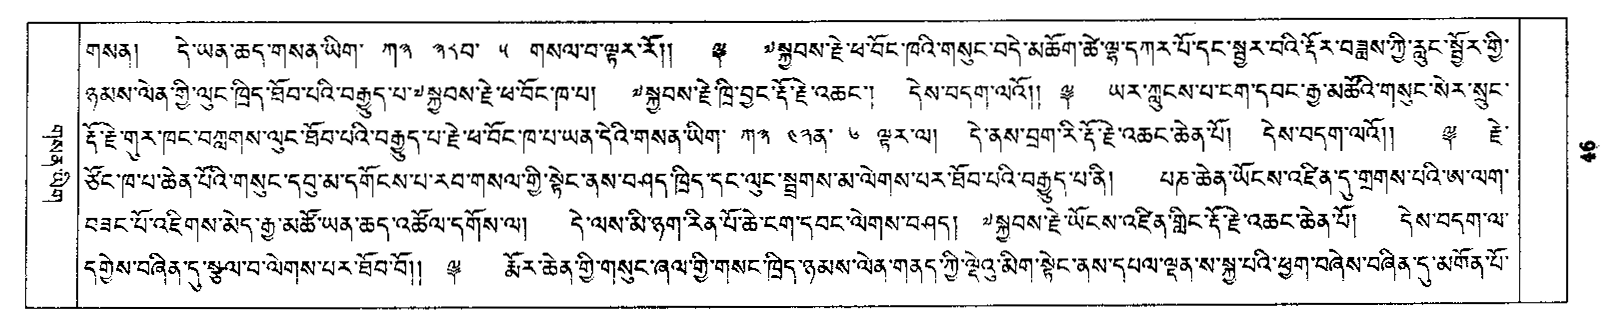གསན། དེ་ཡན་ཆད་གསན་ཡིག་ཀ ༣ ༣༨་བ ༥་གསལ་བ་ལྟར་རོ།། ༈ ༧སྐྱབས་རྗེ་ཕ་བོང་ཁའི་གསུང་བདེ་མཆོག་ཚེ་ལྷ་དཀར་པོ་དང་སྦྱར་བའི་རྡོར་བཟླས་ཀྱི་རླུང་སྦྱོར་གྱི་
ཉམས་ལེན་གྱི་ལུང་ཁྲིད་ཐོབ་པའི་བརྒྱུད་པ་༧སྐྱབས་རྗེ་ཕ་བོང་ཁ་པ། ༧སྐྱབས་རྗེ་ཁྲི་བྱང་རྡོ་རྗེ་འཆང་། དེས་བདག་ལའོ།། ༈ ཡར་ཀླུངས་པ་ངག་དབང་རྒྱ་མཚོའི་གསུང་སེར་སྲུང་
རྡོ་རྗེ་གུར་ཁང་བཀླགས་ལུང་ཐོབ་པའི་བརྒྱུད་པ་རྗེ་ཕ་བོང་ཁ་པ་ཡན་དེའི་གསན་ཡིག་ཀ ༣ ༤༢་ན ༦་ལྟར་ལ། དེ་ནས་བྲག་རི་རྡོ་རྗེ་འཆང་ཆེན་པོ། དེས་བདག་ལའོ།། ༈ རྗེ་
ཙོང་ཁ་པ་ཆེན་པོའི་གསུང་དབུ་མ་དགོངས་པ་རབ་གསལ་གྱི་སྟེང་ནས་བཤད་ཁྲིད་དང་ལུང་སྦྲགས་མ་ལེགས་པར་ཐོབ་པའི་བརྒྱུད་པ་ནི། པཎ་ཆེན་ཡོངས་འཛིན་དུ་གྲགས་པའི་ཨ་ལག་
བཟང་པོ་འཇིགས་མེད་རྒྱ་མཚོ་ཡན་ཆད་འཚོལ་དགོས་ལ། དེ་ལས་མི་ཉག་རིན་པོ་ཆེ་ངག་དབང་ལེགས་བཤད། ༧སྐྱབས་རྗེ་ཡོངས་འཛིན་གླིང་རྡོ་རྗེ་འཆང་ཆེན་པོ། དེས་བདག་ལ་
དགྱེས་བཞིན་དུ་སྩལ་བ་ལེགས་པར་ཐོབ་བོ།། ༈ རྨོར་ཆེན་གྱི་གསུང་ཞལ་གྱི་གསང་ཁྲིད་ཉམས་ལེན་གནད་ཀྱི་ལྡེའུ་མིག་སྟེང་ནས་དཔལ་ལྡན་ས་སྐྱ་པའི་ཕྱག་བཞེས་བཞིན་དུ་མགོན་པོ་